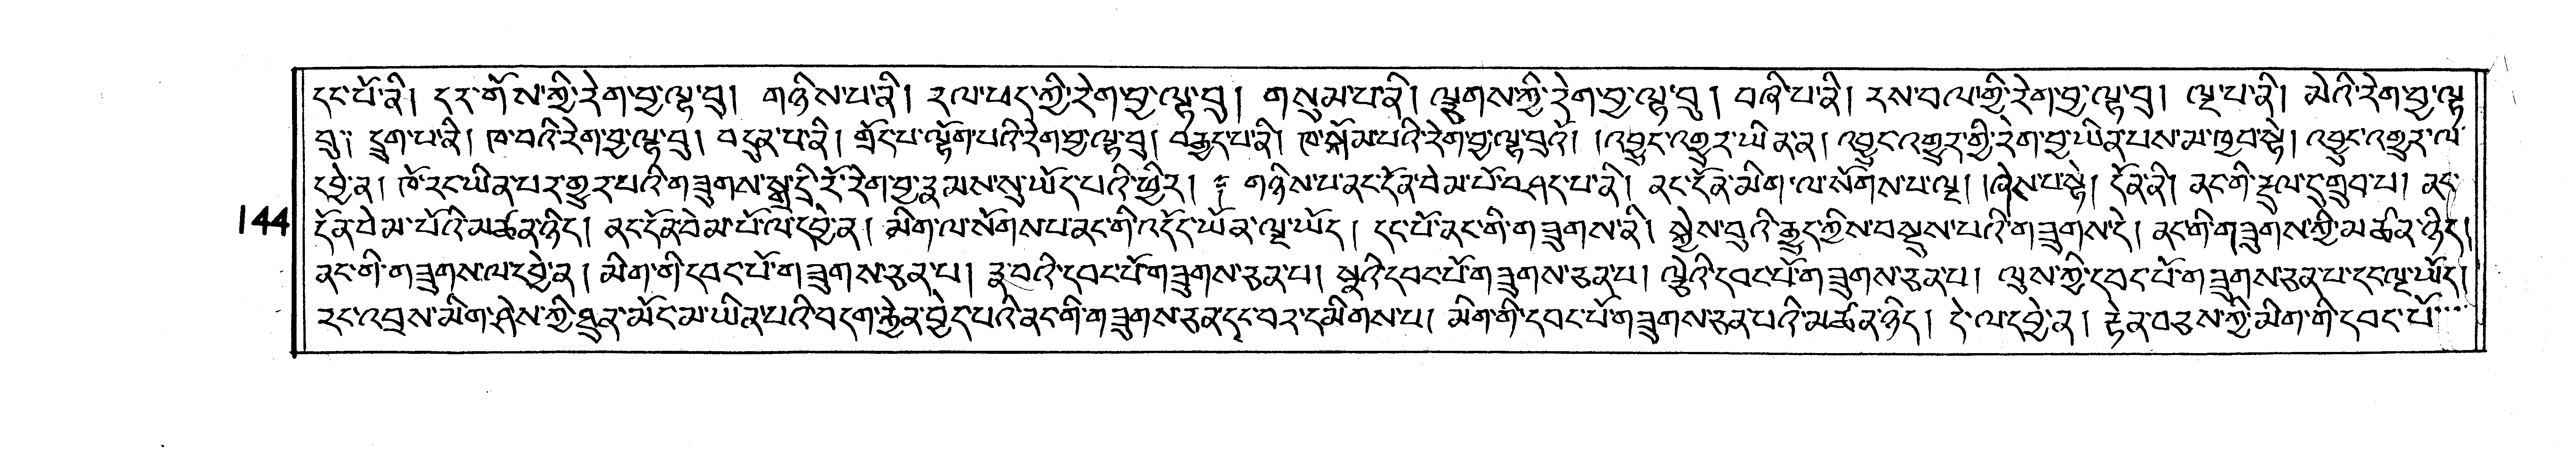དང་པོ་ནི། དར་གོས་ཀྱི་རེག་བྱ་ལྟ་བུ། གཉིས་པ་ནི། རལ་ཕད་ཀྱི་རེག་བྱ་ལྟ་བུ། གསུམ་པ་ནི། ལྕགས་ཀྱི་རེག་བྱ་ལྟ་བུ། བཞི་པ་ནི། རས་བལ་གྱི་རེག་བྱ་ལྟ་བུ། ལྔ་པ་ནི། མེའི་རེག་བྱ་ལྟ་
བུ༑ དྲུག་པ་ནི། ཁ་བའི་རེག་བྱ་ལྟ་བུ། བདུན་པ་ནི། གྲོད་པ་ལྟོག་པའི་རེག་བྱ་ལྟ་བུ། བརྒྱད་པ་ནི། ཁ་སྐོམ་པའི་རེག་བྱ་ལྟ་བུའོ། །འབྱུང་འགྱུར་ཡིན་ན། འབྱུང་འགྱུར་གྱི་རེག་བྱ་ཡིན་པས་མ་ཁྱབ་སྟེ། འབྱུང་འགྱུར་ལ་
དབྱེ་ན། ཁོ་རང་ཡིན་པར་གྱུར་པའི་གཟུགས་སྒྲ་དྲི་རོ་རེག་བྱ་རྣམས་སུ་ཡོད་པའི་ཕྱིར། ༈ གཉིས་པ་ནང་དོན་བེམ་པོ་བཤད་པ་ནི། ནང་དོན་མིག་ལ་སོགས་པ་ལྔ། །ཞེས་པ་སྟེ། དོན་ནི། ནང་གི་རྡུལ་དུ་གྲུབ་པ། ནང་
དོན་བེམ་པོའི་མཚན་ཉིད། ནང་དོན་བེམ་པོ་ལ་དབྱེ་ན། མིག་ལ་སོགས་པ་ནང་གི་འདོད་ཡོན་ལྔ་ཡོད། དང་པོ་ནང་གི་གཟུགས་ནི། སྐྱེས་བུའི་རྒྱུད་ཀྱིས་བསྡུས་པའི་གཟུགས་དེ། ནང་གི་གཟུགས་ཀྱི་མཚན་ཉིད།
ནང་གི་གཟུགས་ལ་དབྱེ་ན། མིག་གི་དབང་པོ་གཟུགས་ཅན་པ། རྣ་བའི་དབང་པོ་གཟུགས་ཅན་པ། སྣའི་དབང་པོ་གཟུགས་ཅན་པ། སྣའི་དབང་པོ་གཟུགས་ཅན་པ། ལྕེའི་དབང་པོ་གཟུགས་ཅན་པ། ལུས་ཀྱི་དབང་པོ་གཟུགས་ཅན་པ་དང་ལྔ་ཡོད།
རང་འབྲས་མིག་ཤེས་ཀྱི་ཐུན་མོང་མ་ཡིན་པའི་བདག་རྐྱེན་བྱེད་པའི་ནང་གི་གཟུགས་ཅན་དང་བར་དམིགས་པ། མིག་གི་དབང་པོ་གཟུགས་ཅན་པའི་མཚན་ཉིད། དེ་ལ་དབྱེ་ན། རྟེན་བཅས་ཀྱི་མིག་གི་དབང་པོ་